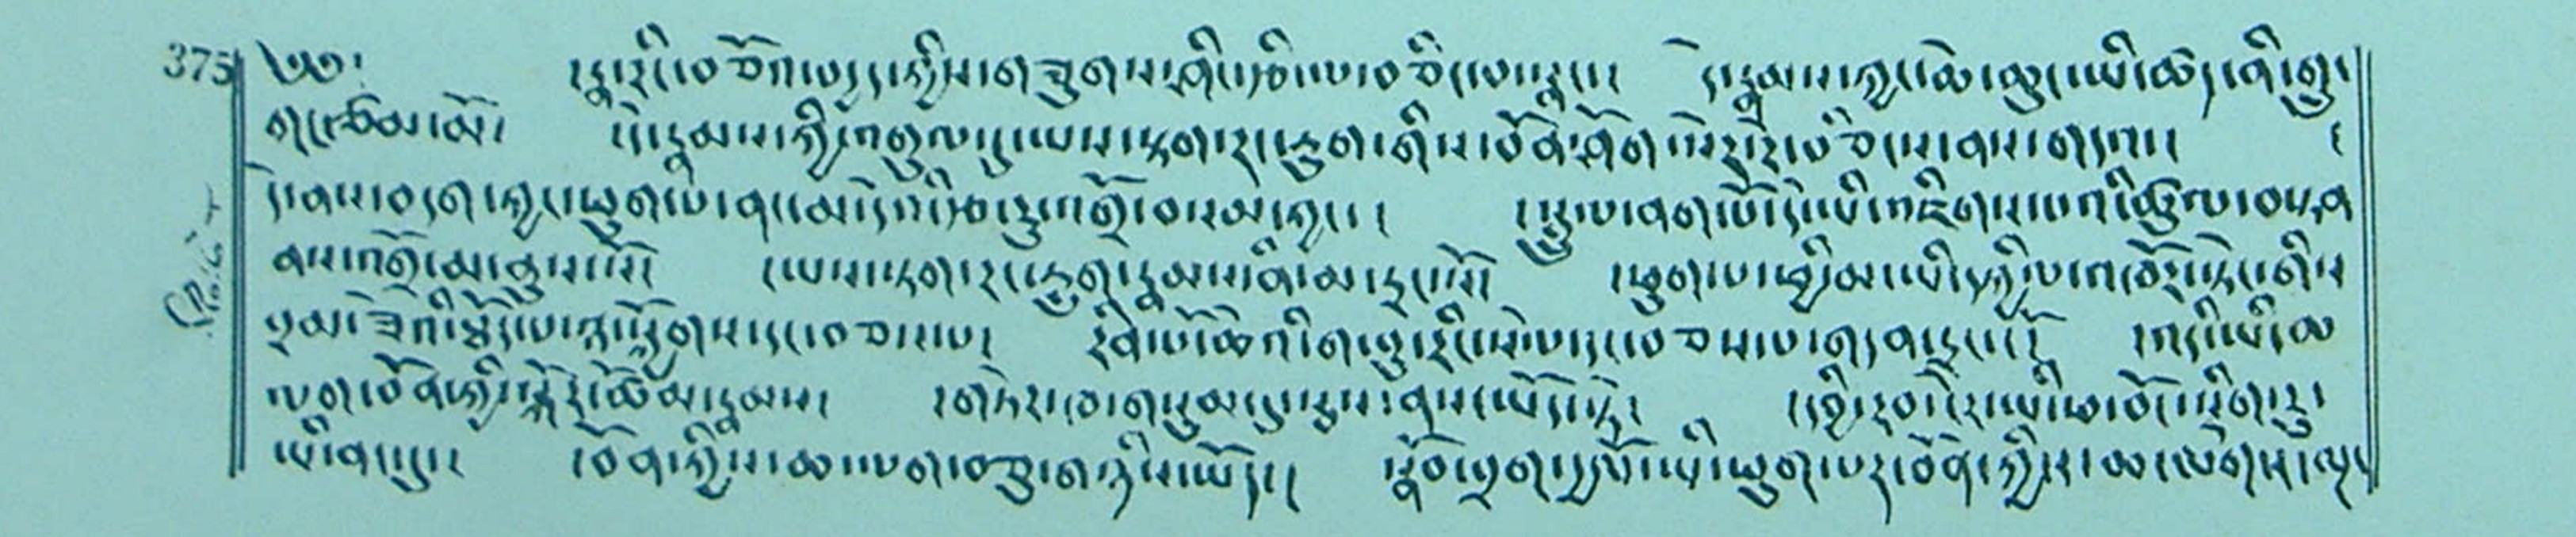༄༅། །རྣ་རིང་བཅོ་བརྒྱད་ཀྱིས་གཟུགས་ཤིང་རྩི་ལ་བཅིང་བ་སྣང་། དེ་རྣམས་ཀྱང་ཆེ་ཆུང་གི་ཚད་ནི་གྲུ་
གང་ཙམ་མོ། །དེ་རྣམས་ཀྱི་མགུལ་དུ་ཡས་སྟགས་རང་རྒྱུག་གིས་བོན་ཤོག་སེར་རེ་རེ་བཅིངས་ནས་གདའ། 
དེ་ནས་བདག་ཀྱང་ཕུག་པ་ནང་མ་དེའི་རྩ་རུ་འགྲོ་བསམ་ཀྱང་། སྦྲུལ་ནག་པོ་དེ་ཡི་འཇིགས་པའི་ཚུལ་བསྟན་
ནས་འགྲོ་མ་ནུས་སོ། །ཡས་སྟགས་རང་རྒྱུག་རྣམས་ནི་མ་དྲང་སོ། །ཕུག་པ་ཕྱི་མ་ཡི་དཀྱིལ་འཁོར་སྟེང་གི་
བྲམ་ཟེའི་ཐོད་པ་ཉ་སྐྱོགས་དང་བཅས་པ། རིན་པོ་ཆེའི་ག་བུ་རིང་སྲེལ་དང་བཅས་པ་གདན་དྲང་ངོ་། །འདི་ཡི་ཆ་
ལག་བོན་གྱི་སྐོར་ཚོམ་རྣམས། གཏེར་ཁ་གསུམ་དུ་སྦས་ནས་ཡོད་དེ། དབྱི་རབ་ངེར་ཡི་ཕ་བོང་སྡིག་རུ་
ཡི་ནང་དུ། བོན་གྱིས་ཆ་ལག་བཅུ་གཉིས་ཡོད། སྣོབ་བྲག་རྒྱལ་པོ་ཡི་ཕུག་པར་བོན་གྱིས་ཆ་ལག་ལྔ་